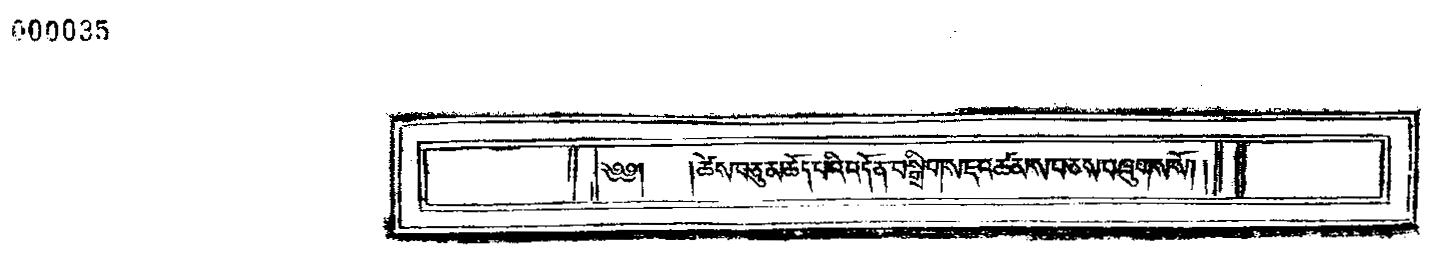༄༅། །ཚེས་བཅུ་མཆོད་པའི་འདོན་བསྒྲིགས་ཇ་འཚམས་བཅས་བཞུགས་སོ།།